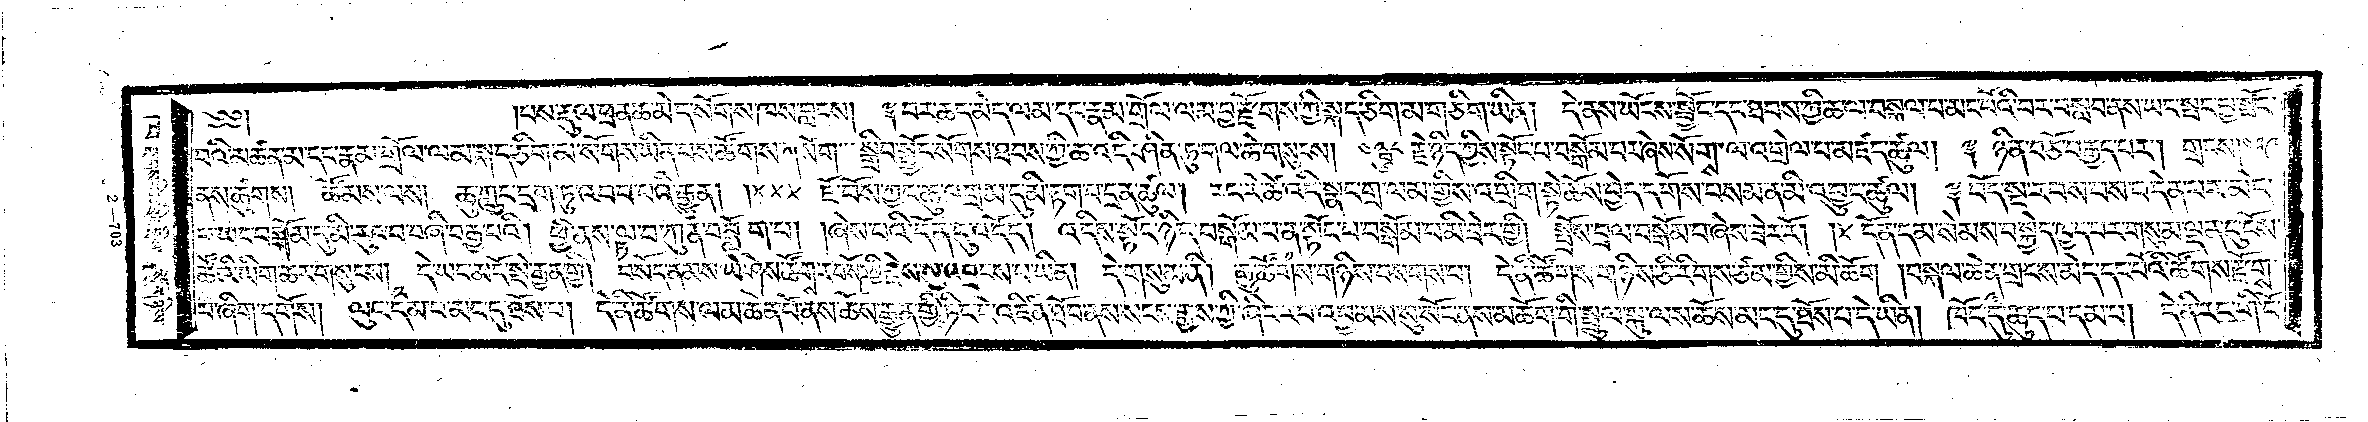༄༅། །པས་རྡུལ་ཕྲན་ཆ་མེད་སོགས་ཁས་བླངས། ༈ བར་ཆད་མེད་ལམ་དང་རྣམ་གྲོལ་ལམ་བྱ་རྫོགས་ཀྱི་སྐད་ཅིག་མ་གཅིག་ཡིན། དེ་ནས་ཡོངས་སྦྱོང་དང་ཐབས་ཀྱི་ཆ་ལ་བསྐལ་པ་མང་པོའི་བར་བསླབ་ནས་ཡང་སྤང་བྱ་སྤོང་
བའི་མཚན་མ་དང་རྣམ་གྲོལ་ལམ་སྐད་ཅིག་མ་སོགས་ཡིན་པས་ཚོགས་གསོག་སྒྲིབ་སྦྱོང་སོགས་ཐབས་ཀྱི་ཆ་འདི་ཤིན་ཏུ་གལ་ཆེ་གསུངས། ༤༢༨བ༦་རྗེ་ཉིད་གྱིས་སྟོང་པ་བསྒོམ་པར་ཞེས་སོགས་ལ་འགྲེལ་པ་མཛད་ཚུལ། ༈ ཉིན་བཅོ་བརྒྱད་པར། གྲངས།༤༣༩
ནས་ཚུགས། ཚོམས་ལས། ཆུ་ཀླུང་དྲག་ཏུ་འབབ་པའི་རྒྱུན། །྾྾྾་ཇོ་བོས་ཀྱང་ཆུ་འགྲམ་དུ་མི་རྟག་པ་དྲན་ཚུལ། རང་རེ་ཚེ་འདི་སྣང་གྲ་ལམ་གྱིས་འགྲིག་སྟེ་ཆོས་བྱེད་དགོས་བསམ་ན་མི་འབྱུང་ཚུལ། ༈ བོད་སྔ་རབས་པས་བདེན་པར་མེད་
པ་ཡང་བསྒོམ་དུ་མི་རུང་བ་བཞི་བརྒྱ་པའི། ཕྱི་ནས་ལྟ་བ་ཀུན་བཟློག་པ། །ཞེས་པའི་དོན་དུ་འདོད། འདིས་སྟོང་ཉིད་བསྒོམ་པ་ན་སྟོང་པ་བསྒོམ་པ་མི་ཟེར་གྱི། སྤྲོས་བྲལ་བསྒོམ་པ་ཞེས་ཟེར་རོ། །྾་དོན་དམ་སེམས་བསྐྱེད་ཁྱད་པར་གསུམ་ལྡན་དུ་ངོས་
ཚོའི་ཡིག་ཆར་གསུངས། དེ་ཡང་མདོ་སྡེ་རྒྱན་གྱི། །བསོད་ནམས་ཡེ་ཤེས་ཚོགས་རབསོ་ཀྱི་རྗེས་སུ་འབྲངས་པ་ཡིན། དེ་གསུམ་ནི། རྒྱུ་ཚོགས་གཉིས་བསགས་པ། དེ་ནི་ཚོགས་གཉིས་ཅི་རིགས་ཙམ་གྱིས་མི་ཆོག །བསྐལ་ཆེན་གྲངས་མེད་དང་པོའི་ཚོགས་རྫོགས་
བ་ཞིག་དགོས། ལུང་དམ་པ་མང་དུ་ཐོས་པ། དེ་ནི་ཚོགས་ལམ་ཆེན་པོ་ནས་ཆོས་རྒྱུན་གྱི་ཏིང་ངེ་འཛིན་ཐོབ་ནས་སངས་རྒྱས་ཀྱི་ཞིང་རབ་འབྱམས་སུ་སོང་ནས་མཆོག་གི་སྤྲུལ་སྐུ་ལས་ཆོས་མང་དུ་ཐོས་པ་དེ་ཡིན། ཁོང་དུ་ཆུད་པ་དམ་པ། དེ་ནི་རང་གི་རོ་